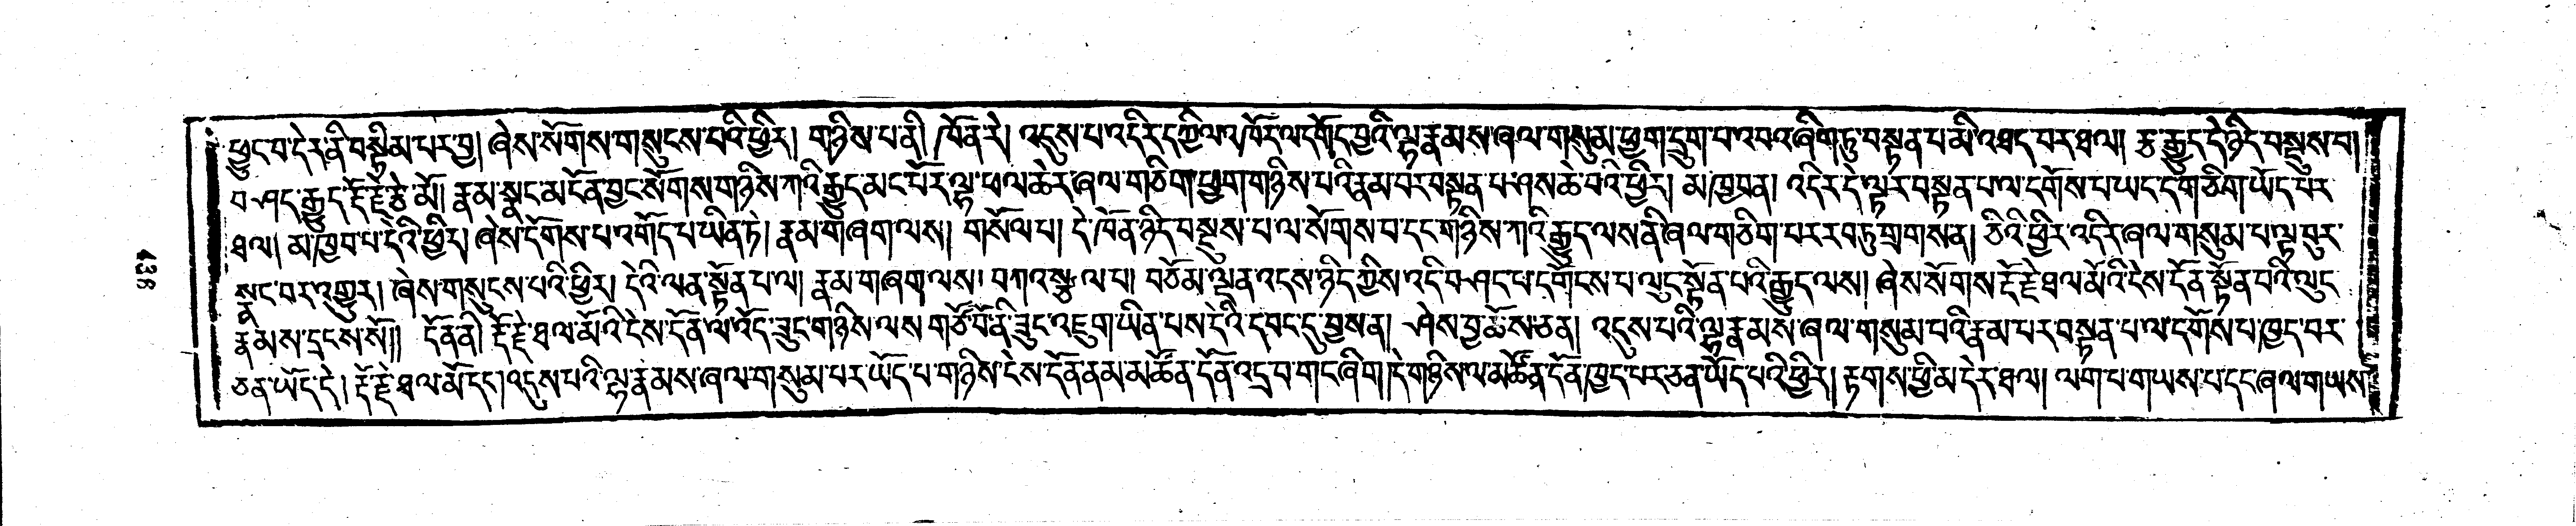བྱུང་བ་དེར་ནི་བསྟིམ་པར་བྱ། ཞེས་སོགས་གསུངས་པའི་ཕྱིར། གཉིས་པ་ནི། ཁོ་ན་རེ། འདུས་པ་འདིར་དཀྱིལ་འཁོར་ལ་དཔྱོད་བྱའི་ལྷ་རྣམས་ཞལ་གསུམ་ཕྱག་དྲུག་པ་འབའ་ཞིག་ཏུ་བསྟན་པ་མི་འཐད་པར་ཐལ། རྩ་རྒྱུད་དེ་ཉིད་བསྡུས་པ།
བཤད་རྒྱུད་རྡོ་རྗེ་རྩེ་མོ་རྣམ་སྣང་མངོན་བྱང་སོགས་གཉིས་ཀའི་རྒྱུད་མང་པོར་ལྷ་ཕལ་ཆེར་ཞལ་གཅིག་ཕྱག་གཉིས་པའི་རྣམ་པར་བསྟན་པ་ཤས་ཆེ་བའི་ཕྱིར། མ་ཁྱབ་ན། འདིར་དེ་ལྟར་བསྟན་པ་ལ་དགོས་པ་ཡང་དག་ཅིག་ཡོད་པར་
ཐལ། མ་ཁྱབ་པ་དའི་ཕྱིར། ཞེས་དོགས་པ་འགོད་པ་ཡིན་ཏེ། རྣམ་གཞག་ལས། གསོལ་བ། དེ་ཁོ་ན་ཉིད་བསྡུས་པ་ལ་སོགས་པ་དང་གཉིས་ཀའི་རྒྱུད་ལས་ནི་ཞལ་གཅིག་པར་རབ་ཏུ་གྲགས་ན། ཅིའི་ཕྱིར་འདིར་ཞལ་གསུམ་པ་ལྟ་བུར་
སྣང་བར་འགྱུར། ཞེས་གསུངས་པའི་ཕྱིར། དེའི་ལན་སྟོན་པ་ལ། རྣམ་གཞག་ལས། བཀའ་སྩལ་བ། བཅོམ་ལྡན་འདས་ཉིད་ཀྱིས་འདི་བཤད་པ་དགོངས་པ་ལུང་སྟོན་པའི་རྒྱུད་ལས། ཞེས་སོགས་རྡོ་རྗེ་ཐལ་མོའི་ངེས་དོན་སྟོན་པའི་ལུང་
རྣམས་དྲངས་སོ། །དོན་ནི། རྡོ་རྗེ་ཐལ་མོའི་ངེས་དོན་ལ་འོད་ཟུང་གཉིས་ལས་གཙོ་བོ་ནི་ཟུང་འཇུག་ཡིན་པས་དེའི་དབང་དུ་བྱས་ན། ཤེས་བྱ་ཆོས་ཅན། འདུས་པའི་ལྷ་རྣམས་ཞལ་གསུམ་པའི་རྣམ་པར་བསྟན་པ་ལ་དགོས་པ་ཁྱད་པར་
ཅན་ཡོད་དེ། རྡོ་རྗེ་ཐལ་མོ་དང་། འདུས་པའི་ལྷ་རྣམས་ཞལ་གསུམ་པར་ཡོད་པ་གཉིས་ངེས་དོན་ནམ་མཚོན་དོན་འདྲ་བ་གང་ཞིག་དེ་གཉིས་ལ་མཚོན་དོན་ཁྱད་པར་ཅན་ཡོད་པའི་ཕྱིར། རྟགས་ཕྱི་མ་དེར་ཐལ། ལག་པ་གཡས་པ་དང་ཞལ་གཡས་